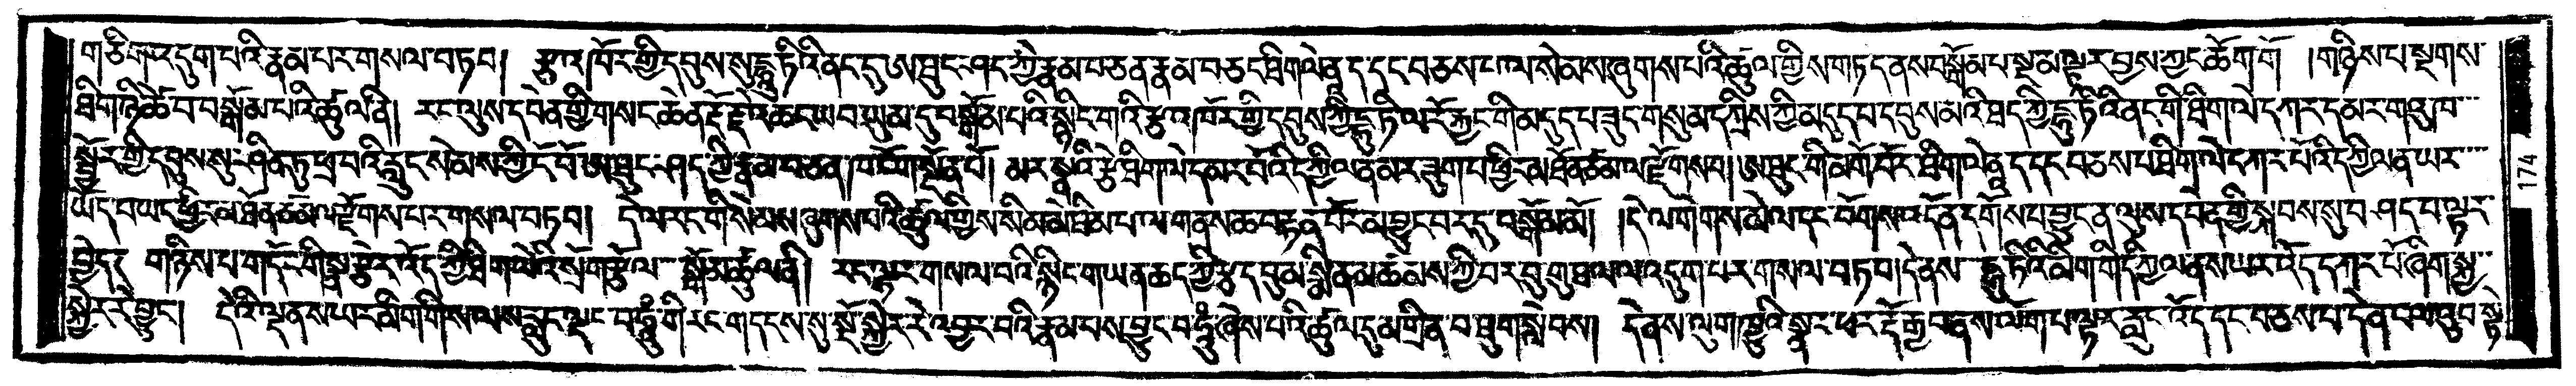གཅིག་འདུག་པའི་རྣམ་པར་གསལ་བཏབ། རྩ་འཁོར་གྱི་དབུས་སུ་དྷཱུ་ཏིའི་ནང་དུ་ཨ་ཐུང་ཤད་ཀྱི་རྣམ་པ་ཅན་རྣམ་བཅད་ཐིག་ལེ་ནཱ་ད་དང་བཅས་པ་ལ་སེམས་ཞུགས་པའི་ཚུལ་གྱིས་གཏད་ནས་བསྒོམ་པ་སྔ་མ་ལྟར་བྱས་ཀྱང་ཆོག་གོ །གཉིས་པ་སྔགས་
ཐིག་ཉི་ཚེ་བ་བསྒོམ་པའི་ཚུལ་ནི། རང་ལུས་དབེན་གྱི་གསང་ཆེན་རྡོ་རྗེ་འཆང་ཡབ་ཡུམ་དུ་བསྒོམ་པའི་སྙིང་གའི་རྩ་འཁོར་གྱི་དབུས་ཀྱི་དྷུ་ཏིལ་རོ་རྐྱང་གི་མདུད་པ་ཟུང་གསུམ་དཀྲིས་ཀྱི་མདུད་པ་དབུས་མའི་ཐད་ཀྱི་དྷུ་ཏིའི་ནང་གི་ཐིག་ལེ་དཀར་དམར་གའུ་ཁ་
སྦྱོར་གྱི་དབུས་སུ་ཤིན་ཏུ་ཕྲ་བའི་རླུང་སེམས་ཀྱི་ངོ་བོ་ཨ་ཐུང་ཤད་ཀྱི་རྣམ་པ་ཅན་ཁ་དོག་སྔོན་པོ། མར་སྣའི་རྩེ་ཐིག་ལེ་དམར་པོའི་དཀྱིལ་ན་མར་ཟུག་པ་ཕྱིར་མཐོན་ཙམ་ལ་རྫོགས་པ། ཨ་ཐུང་གི་མགོ་བོར་ཐིག་ལེ་ནཱ་ད་དང་བཅས་པ་ཐིག་ལེ་དཀར་པོའི་དཀྱིལ་ན་ཡར་
ཡོད་པ་ཡང་ཕྱིར་མཐོན་ཙམ་ལ་རྫོགས་པར་གསལ་བཏབ། དེ་ལ་རང་གི་སེམས་ཁུགས་པའི་ཚུལ་གྱིས་སིམ་མེ་ཐིམ་པ་ལ་གནས་ཆ་བརྟན་པོར་མ་བྱུང་བར་དུ་བསྒོམ་མོ། །དེ་ལ་གེགས་མེལ་དང་བོགས་འདོན་དགོས་པ་བྱུང་ན་ལུས་དབེན་གྱི་སྐབས་སུ་བཤད་པ་ལྟར་
བྱེད༑ གཉིས་པ་གདོང་གི་སྣ་རྩེར་འོད་ཀྱི་ཐིག་ལེའི་སྲོག་རྩོལ་སྒོམ་ཚུལ་ནི། རང་ལྟར་གསལ་བའི་སྙིང་གཡན་ཆད་ཀྱི་རྩ་དབུ་མ་སྨིན་མཚམས་ཀྱི་བར་བུ་གུ་ཐལ་ལ་འདུག་པར་གསལ་བཏབ། དེ་ནས་དྷུ་ཏིའི་མིག་གི་དཀྱིལ་ནས་ཡར་འོད་དཀར་པོ་ཞིག་སྐྱ་
སྐྱེར་རེ་བྱུང་། དེའི་ལྡན་ས་ཡར་མིག་གིས་ལས་རླུང་ལྡང་བ་ཧཱུཾ་གི་རང་གདངས་སུ་སྔོ་སྐྱེར་རེ་འབྱར་བའི་རྣམ་པས་བྱུང་བ་ཧཱུཾ་ཞེས་པའི་ཚུལ་དུ་མགྲིན་པ་ཐུག་སླེབས། དེ་ནས་ལུག་ཁྱུའི་སྣར་ཕར་རྡོ་རྒྱབ་ནས་ལོག་པ་ལྟར་རླུང་འོད་དང་བཅས་པ་དེ་ནང?་ལ་འུབ་སྟེ་